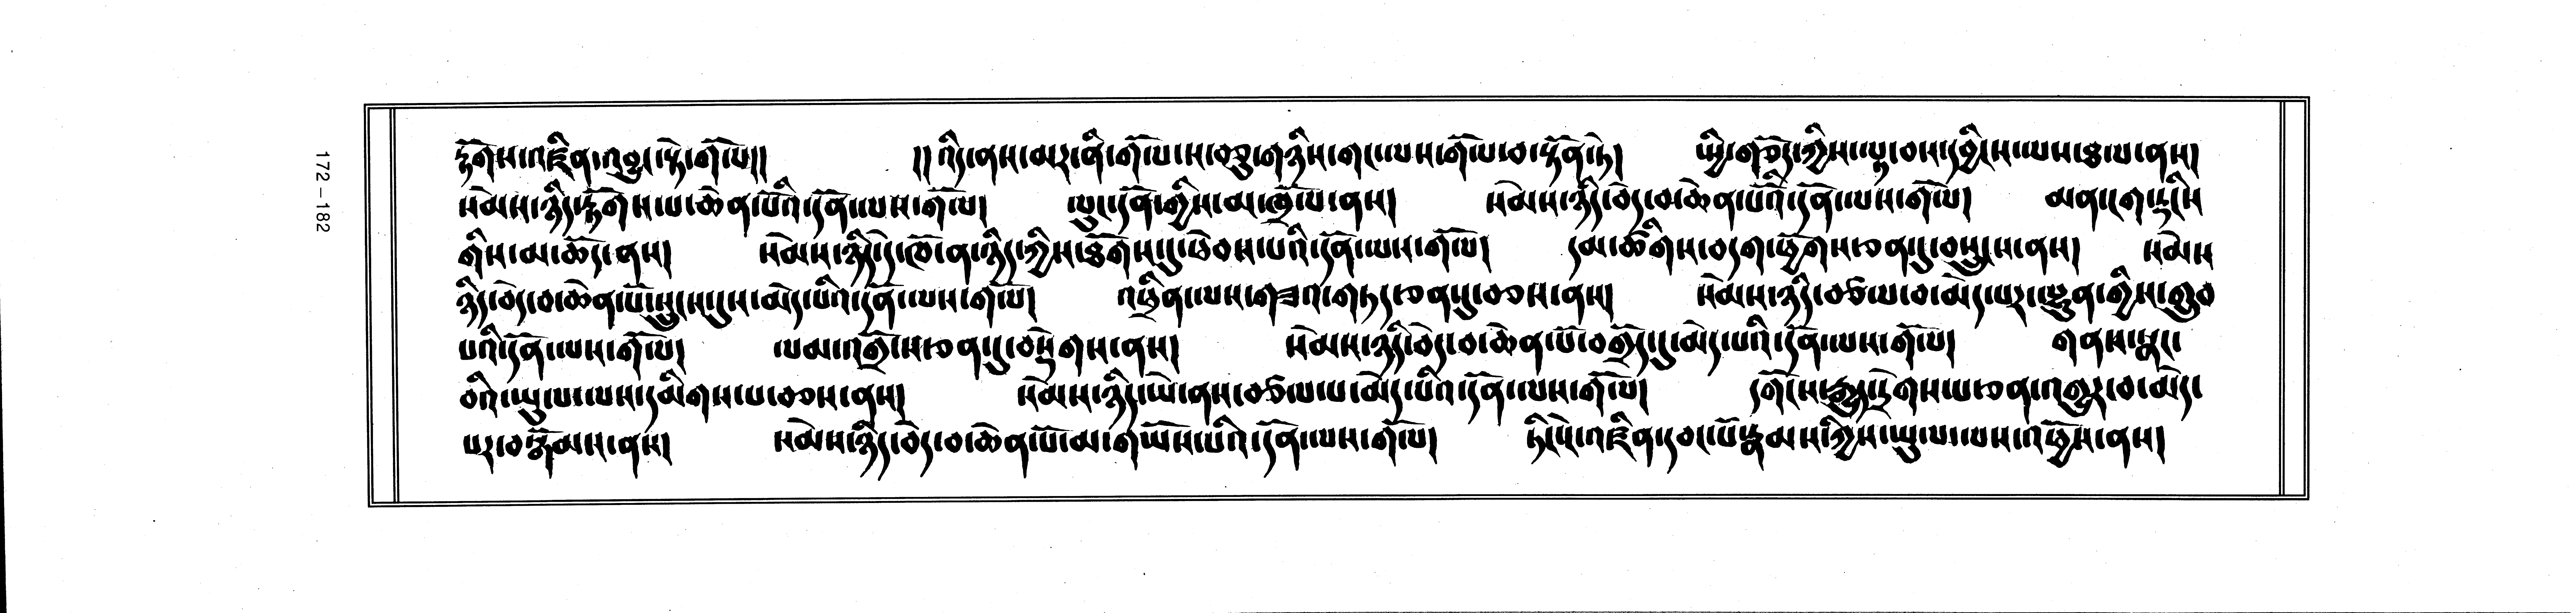རྟོགས་འཛིན་འབྱུང་སྟེ་གོལ། འདི་ནས་མར་ནི་གོལ་ས་བཅུ་གཉིས་གང་ལས་གོལ་བ་སྟོན་ཏེ། སྤྱི་གཅོད་ཀྱིས་ལྟ་བས་དབྱིངས་ལས་ཐལ་ནས། 
སེམས་ཉིད་རྟོགས་པ་ཆེན་པོའི་དོན་ལས་གོལ། ལུང་དོན་གྱིས་མ་ཁྲོལ་ནས། སེམས་ཉིད་བདེ་བ་ཆེན་པོའི་དོན་ལས་གོལ། མན་ངག་གདེང་
གིས་མ་ཆོད་ནས། སེམས་ཉིད་དེ་ཁོ་ན་ཉིད་ཀྱིས་ཐོགས་དུ་ཕེབས་པའི་དོན་ལས་གོལ། དམ་ཚིག་བདག་ཕྱོགས་ཅན་དུབསྲུངས་ནས། སེམས་
ཉིད་བདེ་བ་ཆེན་པོ་སྲུང་དུས་མེད་པའི་དོན་ལས་གོལ། འཕྲིན་ལས་གཟའ་གཏད་ཅན་དུ་བཅས་ནས། སེམས་ཉིད་བཙལ་བ་མེད་པར་ལྷུན་གྱིས་གྲུབ་
པའི་དོན་ལས་གོལ། ལམ་འགྲོ་ས་ཅན་དུ་བསྡེགས་ནས། སེམས་ཉིད་བདེ་བ་ཆེན་པོ་བགྲོད་དུ་མེད་པའི་དོན་ལས་གོལ། གནས་སྣང་
བའི་ཡུལ་ལས་དམིགས་པ་བཅས་ནས། སེམས་ཉིད་ཡེ་ནས་བཙལ་པ་མེད་པའི་དོན་ལས་གོལ། དགོངས་རྒྱུད་དྲེགས་པ་ཅན་འགྱུར་བ་མེད་
པར་བསྒོམས་ནས། སེམས་ཉིད་བདེ་བ་ཆེན་པོ་མ་གཡོས་པའི་དོན་ལས་གོལ། ཏིང་ངེ་འཛིན་དབང་པོ་རྣམས་ཀྱིས་ཡུལ་ལས་འཕྱོས་ནས།